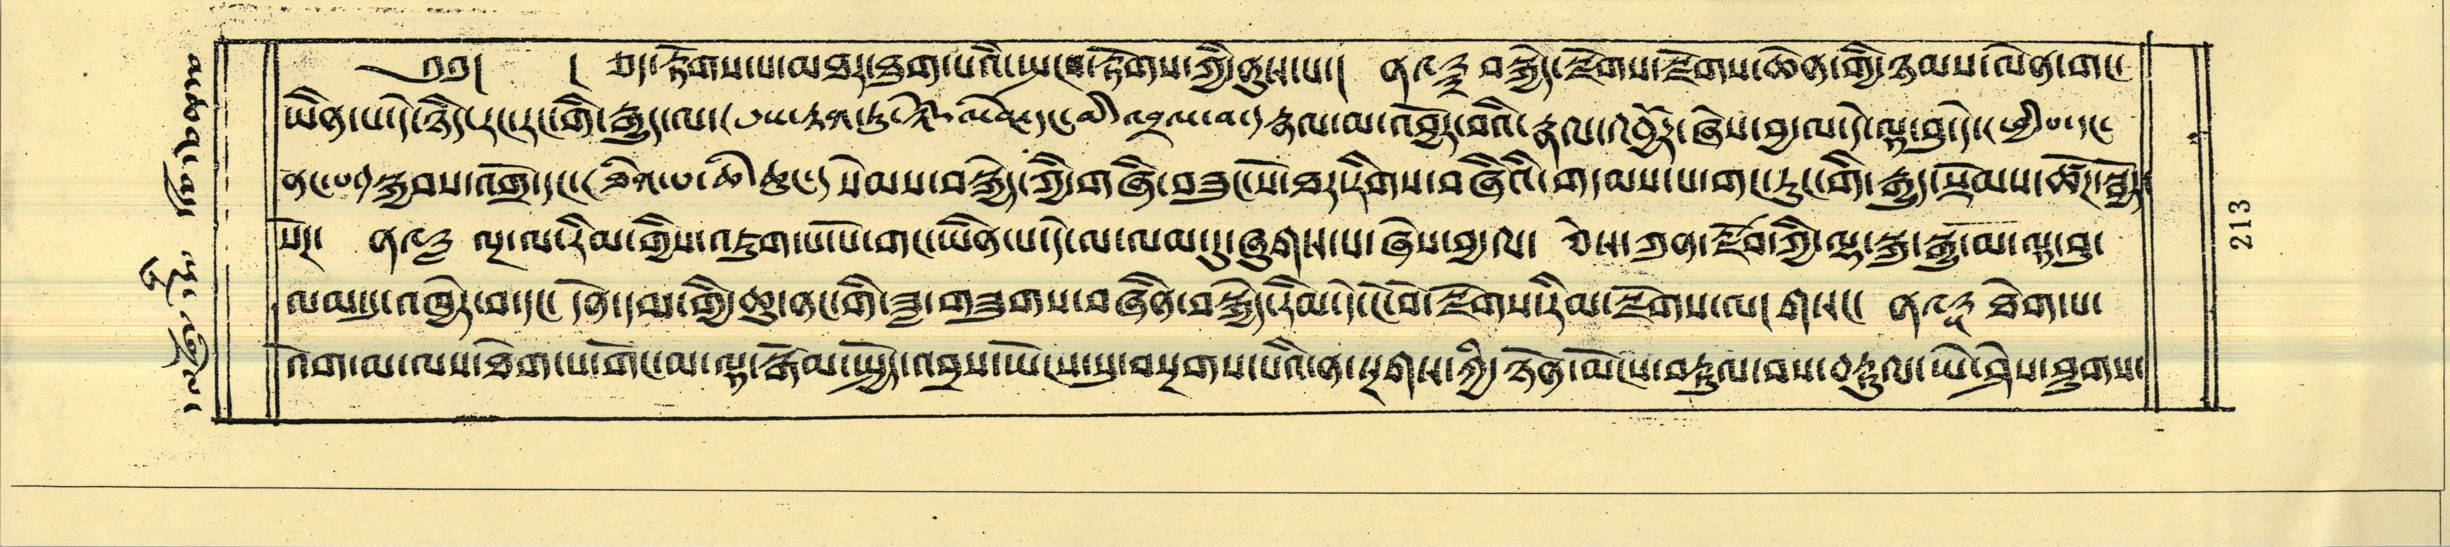ཅད་རྟོགས་པ་མཐར་ཐུག་པའི་སྤངས་རྟོགས་ཀྱི་༼ནུས་༽པ། ན༩༢།༣ བསྐྱེད་སྫོགས་སྫོགས་ཆེན་གྱི་ཉམས་ལེན་གང་
ཡིན་པ་དེ་ཉིད་རང་རང་གི་རྒྱུད་ལ་(དུས་རྟག་ཏུ་ཉམས་ལེན་དང་མི་འབྲལ་བ་)རྣལ་མ་འབྱོར་བའི་ ༼རྣལ་འབྱོར་༽ཞེས་བྱ་ལ་དེ་ལྟ་བུ་དེ་(ཕྱི་པ་དང་
ནང་པ་)སྐྱབས་འགྲོ་དང་(ཐེག་པ་ཆེ་ཆུང་)སེམས་བསྐྱེད་ཀྱི་གཞི་བཟུང་སོ་ཐར་རིགས་བཞིའི་གདམས་པ་གང་རུ་གི་རྒྱུད་སྡོམས་ཚོགས་སྦྱོར་
སོགས། ན༩༢།༤ ལྔ་ལ་རིམ་གྱིས་འཇུག་པ་པོ་གང་ཡིན་པ་དེ་ལ་ལམ་དུ་ ༼ཞུགས་པ་༽ཞེས་བྱ་ལ། ཅེས་ཀུན་རྫོབ་ཀྱི་ལྷ་སྐུ་སྒྱུ་མ་ལྟ་བུ་
ལམ་དུ་འཁྱེར་བ་དང། དོམ་དམ་གྱི་ཆུ་ནང་གི་ཟླ་གཟུགས་བཞིན་བསྐྱེད་རིམ་དེ་ངོ་བོ་སྫོགས་རིམ་སྫོགས་ལ། ༼གསང་༽ན༩༢།༥ ཐེག་པ་
འོག་མ་ལས་ཐེག་པ་གོང་མ་ལྟ་སྒོམ་སྤྱོད་འབྲས་ཡོངས་སུ་བསྔགས་པའི་ན་ ༼སྔགས་ཀྱི་༽ཉོན་མོངས་བརྟུལ་བས་བརྟུལ་ཡེ་ཤེས་ཤུགས་